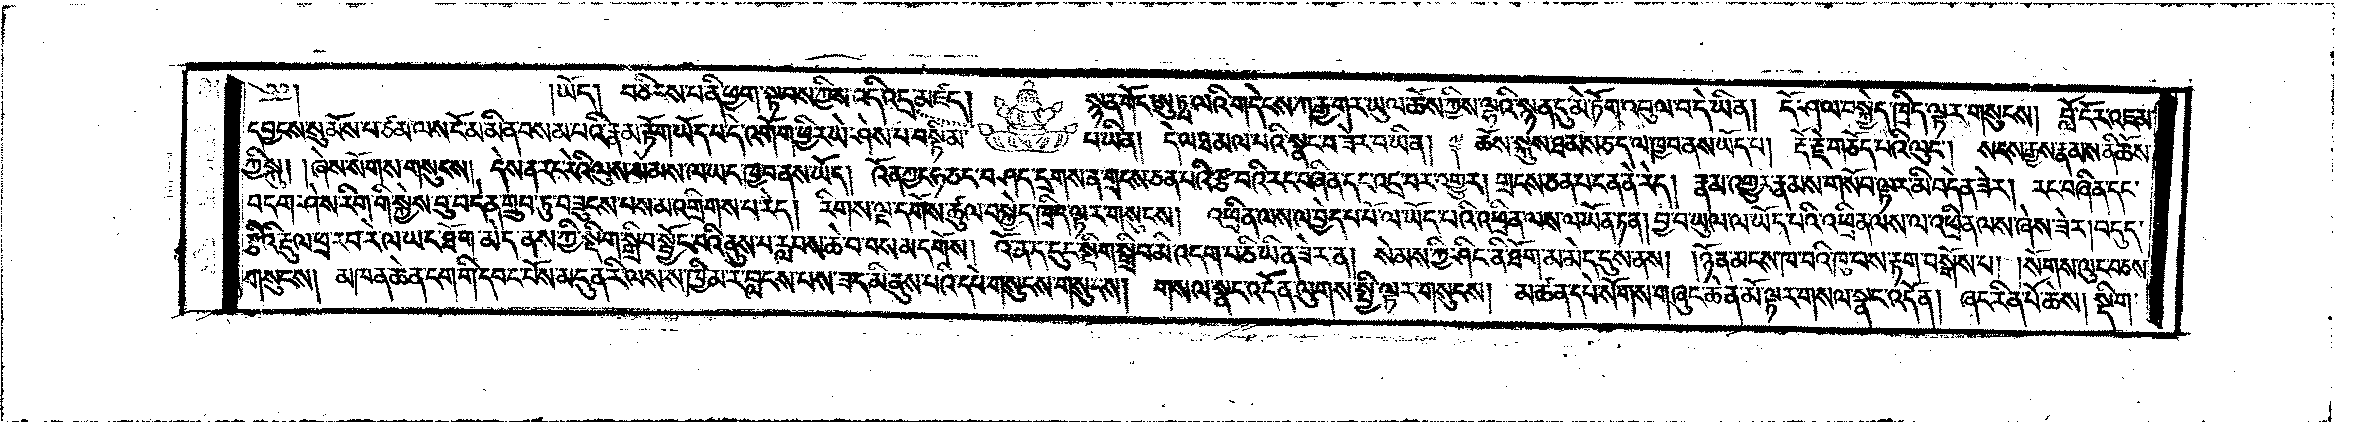༄༅། །ཡོད། བཅིངས་པ་ནི་ཕྱག་སྟབས་ཀྱིས་འདི་འདྲ་པ་ཡིན།  སྙན་གོང་ཨུཏྤལ་ལའི་གདེངས་ཀ་རྒྱ་གར་ཡུལ་ཆོས་ཀྱིས་ལྷའི་སྙན་དུ་མེ་ཏོག་འབུལ་བ་དེ་ཡིན། དོ་ཤལ་བསྐྱེད་ཁྲིད་ལྟར་གསུངས། བློ་ངོར་འཇམ་
དབྱངས་སུ་མོས་པ་ཙམ་ལས་ངོ་མ་མིན་བསམ་པའི་རྣམ་རྟོག་ཡོད་པ་དེ་འགོག་ཕྱིར་ཡེ་ཤེས་པ་བསྟིམ་པ་ཡིན། དེ་ལ་ཐ་མལ་པའི་སྣང་བ་ཟེར་བ་ཡིན། ༈ ཆོས་སྐུས་ཐམས་ཅད་ལ་ཁྱབ་ནས་ཡོད་པ། རྡོ་རྗེ་གཅོད་པའི་ལུང་། སངས་རྒྱས་རྣམས་ནི་ཆོས་
ཀྱི་སྐུ། །ཞེས་སོགས་གསུངས། དེས་ན་རང་རེའི་ལུས་སེམས་ལ་ཡང་ཁྱབ་ནས་ཡོད། འོན་ཀྱང་ཧ་ཅང་བཤད་དྲགས་ན་གྲངས་ཅན་པའི་རྩ་བའི་རང་བཞིན་དང་འདྲ་བར་འགྱུར། གྲངས་ཅན་པ་ངན་ནེ་རེད། རྣམ་འགྱུར་རྣམས་གསོབ་ལྟར་མི་བདེན་ཟེར། རང་བཞིན་དང་
བདག་ཤེས་རིག་གི་སྐྱེས་བུ་བདེན་གྲུབ་ཏུ་བཟུངས་པས་མ་འགྲིགས་པ་རེད། རིགས་ལྔ་དགོས་ཚུལ་བསྐྱེད་ཁྲིད་ལྟར་གསུངས། འཕྲིན་ལས་ལ་བྱེད་པ་པོ་ལ་ཡོད་པའི་འཕྲིན་ལས་ལ་ཡོན་ཏན། བྱ་བ་ཡུལ་ལ་ཡོད་པའི་འཕྲིན་ལས་ལ་འཕྲིན་ལས་ཞེས་ཟེར། བདུད་
རྩེའི་རྡུལ་ཕྲ་རབ་རེ་ལ་ཡང་ཐོག་མེད་ནས་ཀྱི་སྡིག་སྒྲིབ་སྦྱོང་བའི་ནུས་པ་རླབས་ཆེ་བ་བསམ་དགོས། འོ་ན་ད་དུང་སྡིག་སྒྲིབ་མི་འདག་པ་ཅི་ཡིན་ཟེར་ན། སེམས་ཀྱི་ཤིང་ནི་ཐོག་མ་མེད་དུས་ནས། །ཉོན་མོངས་ཁ་བའི་ཁུ་བས་རྟག་བསྒོས་པ། །སོགས་ལུང་བཅས་
གསུངས། མཁན་ཆེན་ངག་གི་དབང་པོས་མདུན་རི་ལས་ས་ཁྱིམ་ར་བླངས་པས་ཟད་མི་ནུས་པའི་དཔེ་གསུངས་གསུངས། གསལ་སྣང་འདོན་ལུགས་སྤྱི་ལྟར་གསུངས། མཚན་དཔེ་སོགས་གཞུང་ཆེན་མོ་ལྟར་གསལ་སྣང་འདོན། ཞང་རིན་པོ་ཆེས། སྡིག་